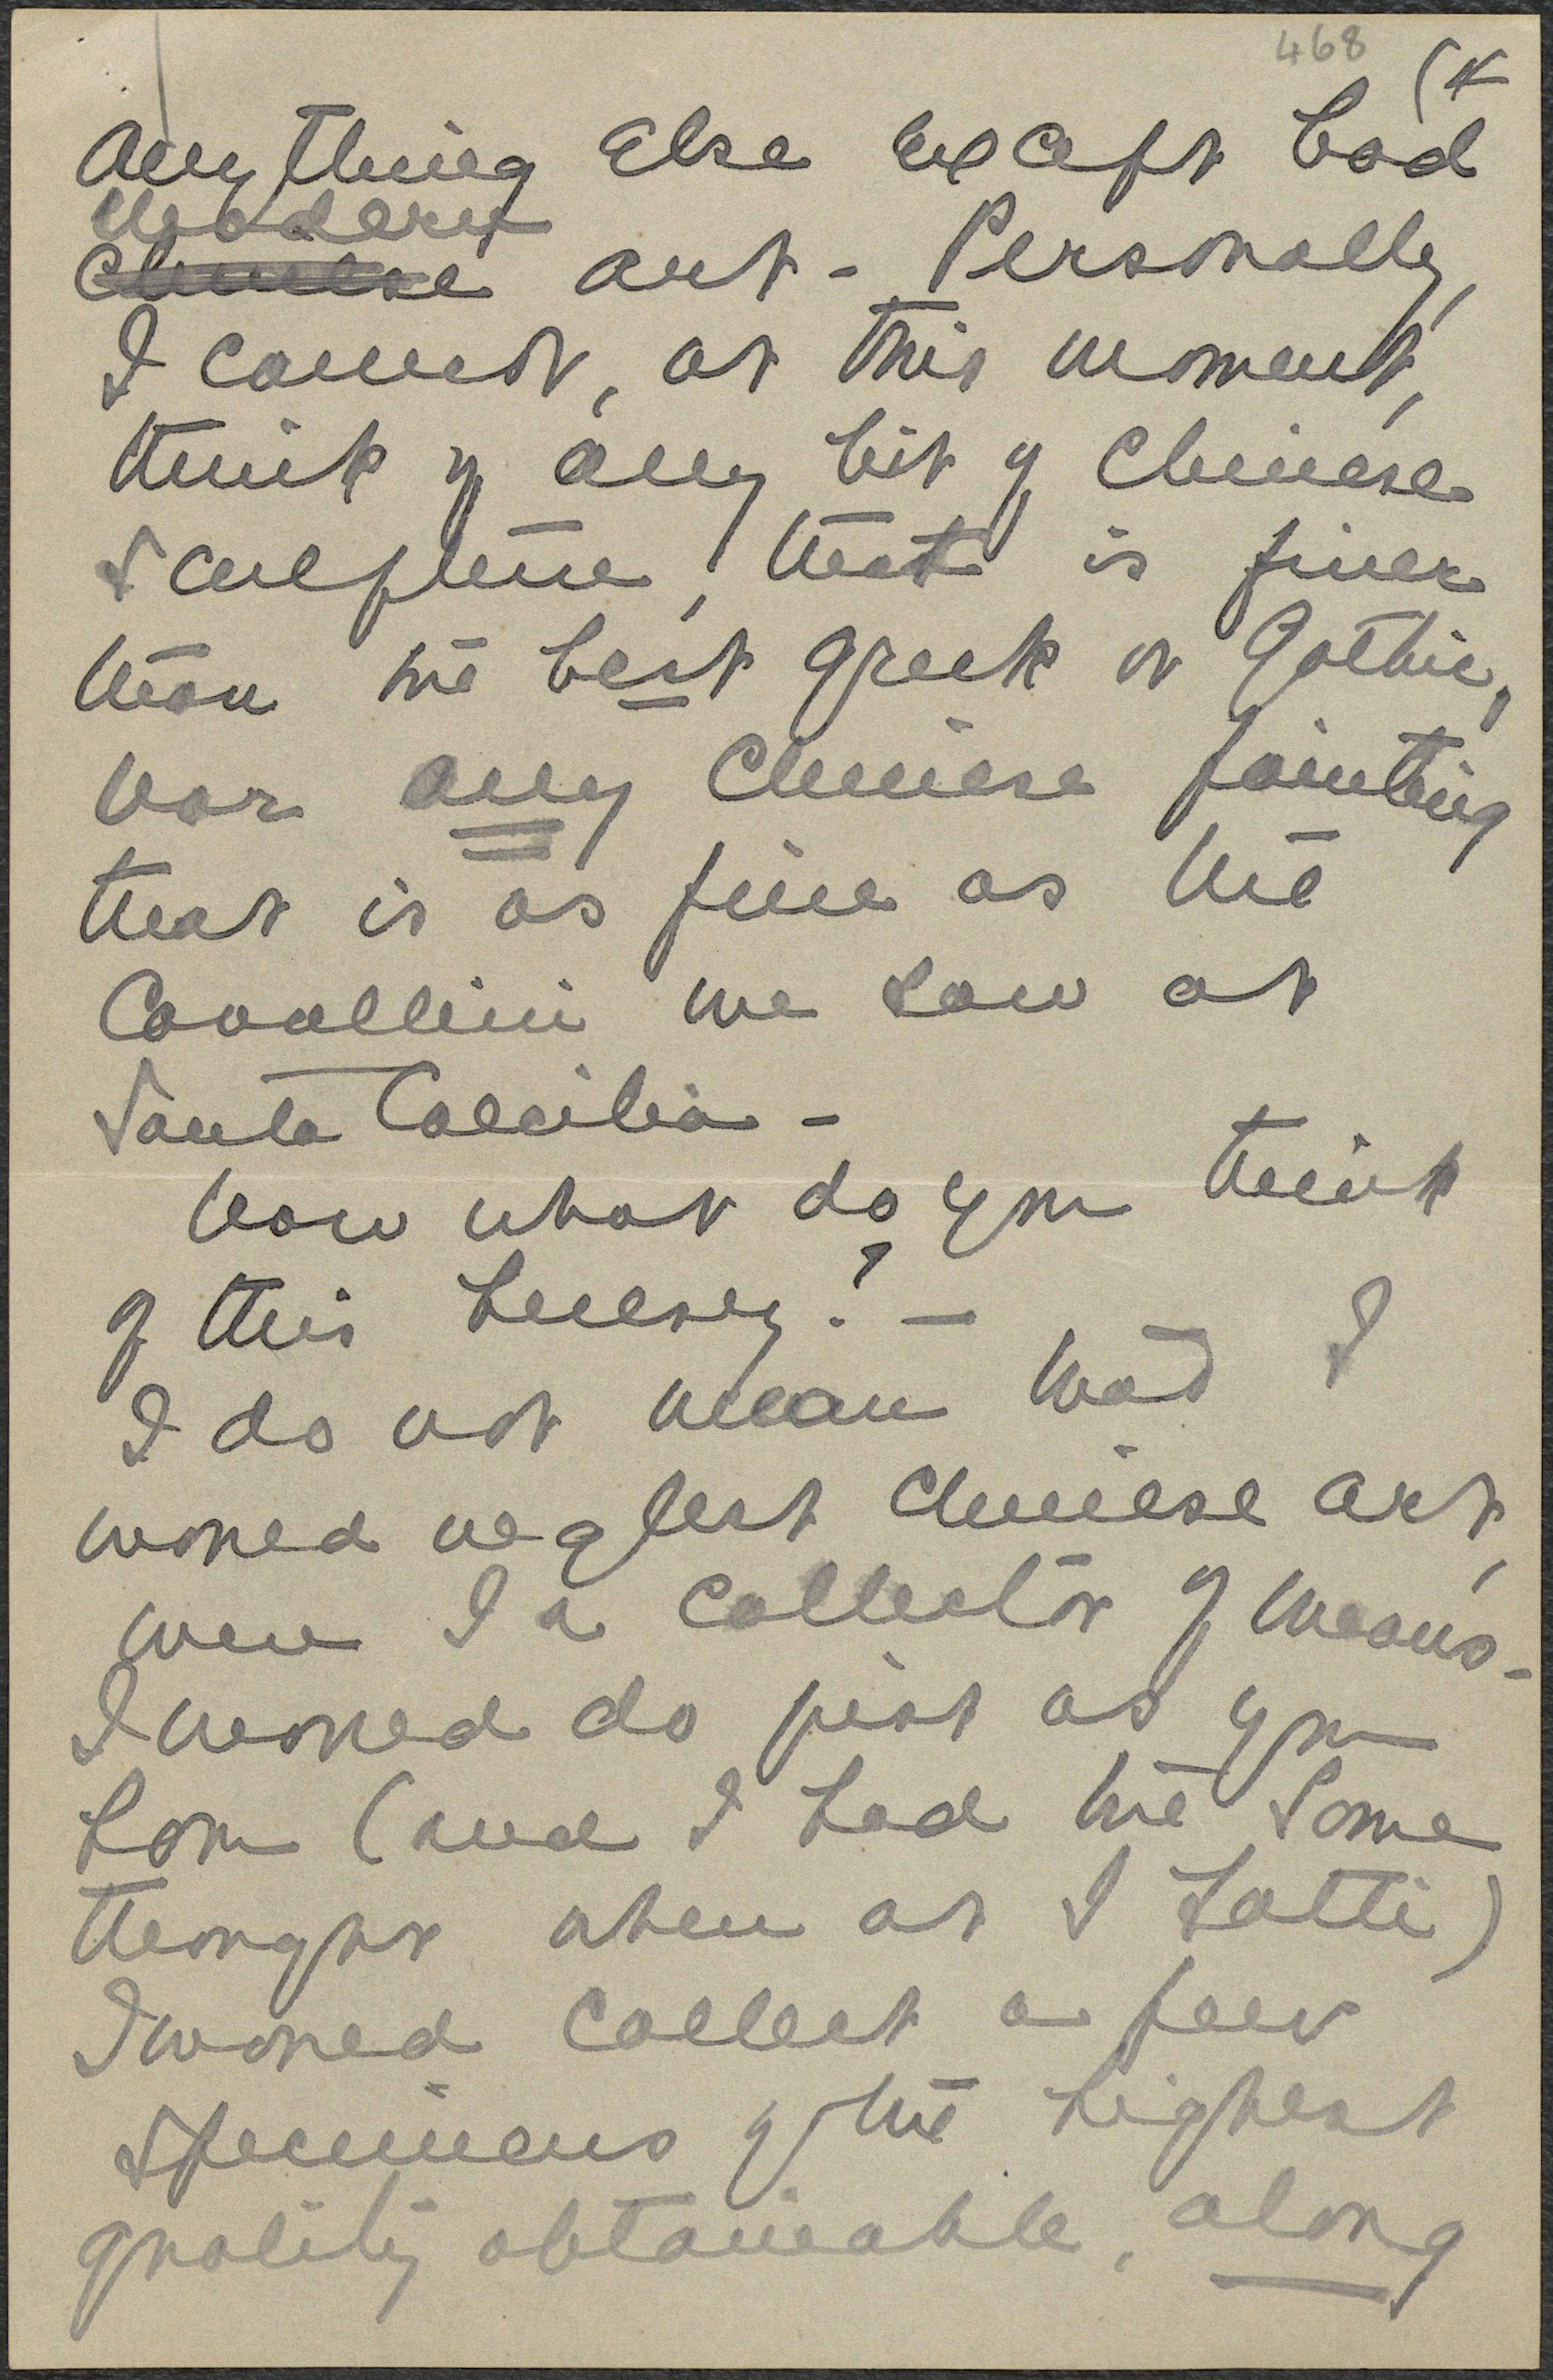anything else except bad [^modern^] Chinese art – Personally, I cannot, at this moment, think of any bit of Chinese sculpture, that is finer than the best Greek or Gothic, nor [double underlined: any] Chinese painting that is as fine as the Cavallini we saw at Santa Caecilia –
Now what do you think of this heresy? –
I do not mean that I would neglect Chinese art, were I a collector of means – I would do just as you have (and I had the same though when at I Tatti) I would collect a few specimens of the highest quality obtainable, along